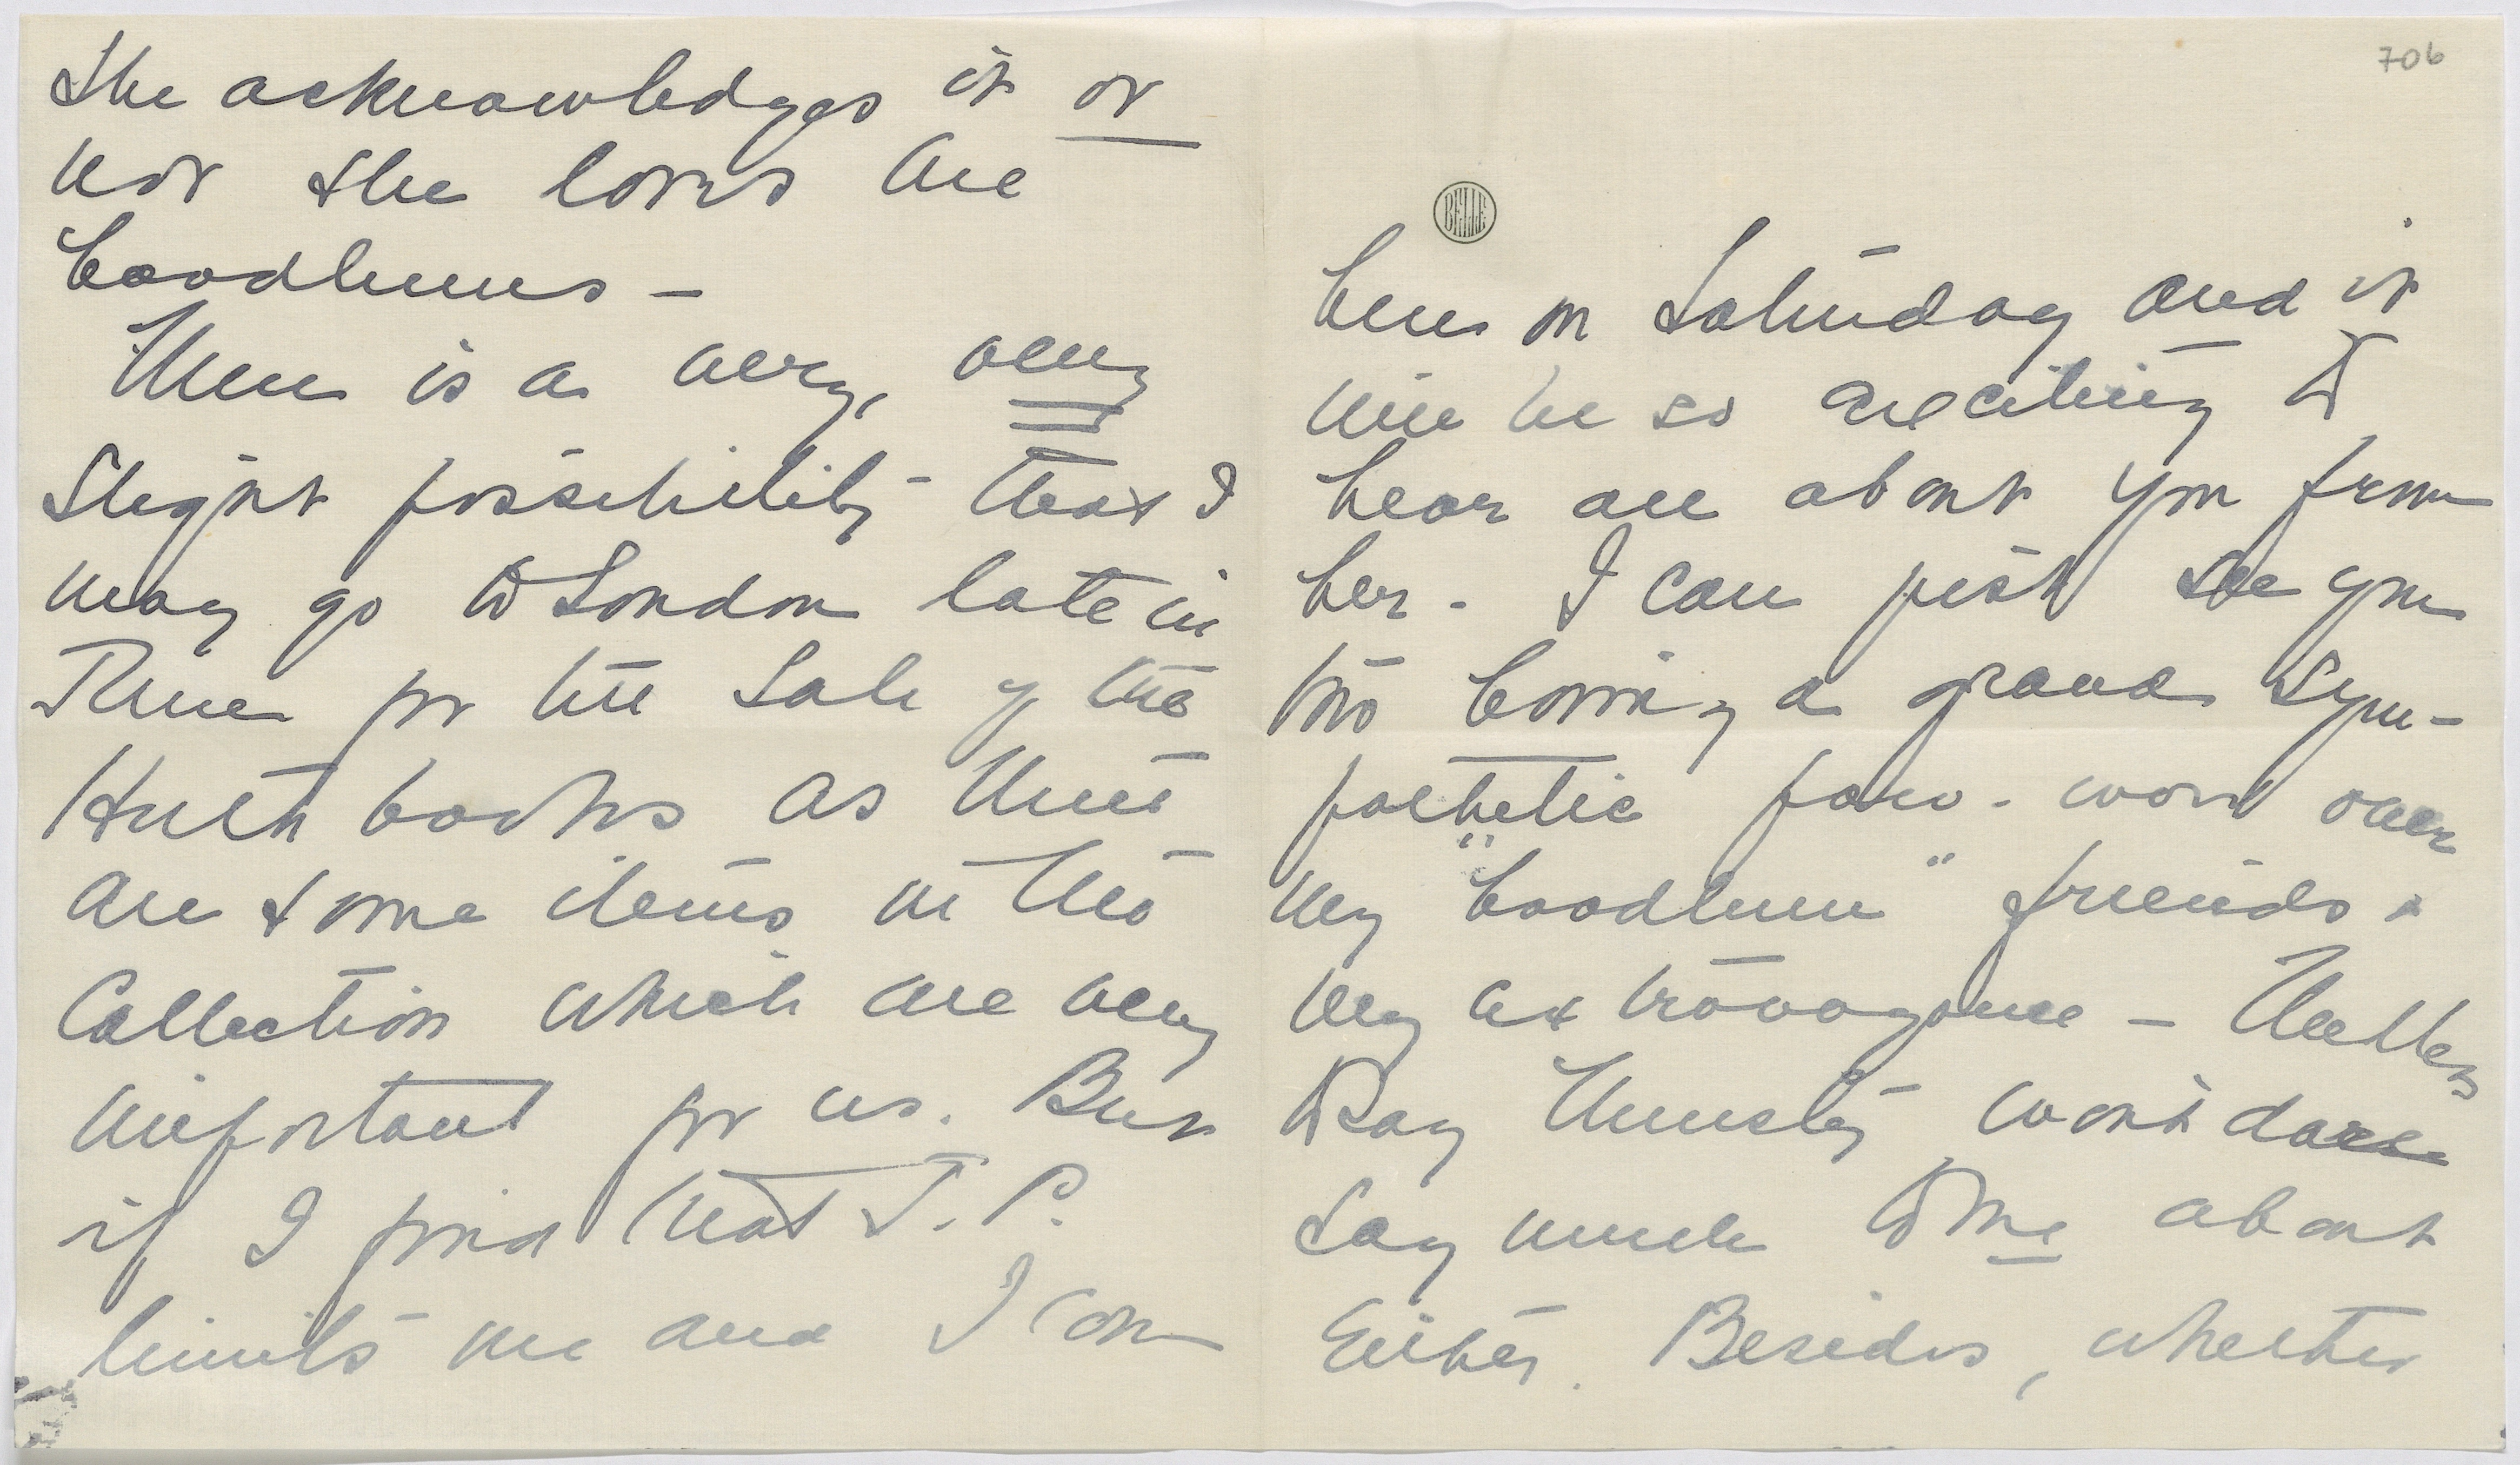here on Saturday and it will be so exciting to hear all about you from her. I can just see you two having a grand sympathetic pow-wow over my “hoodlum” friends & my extravagance – Needless to say Thursty won’t dare say much to me about either. Besides, whether
she acknowledges it or not she loves the hoodlums –
There is a very, [double underlined: very] slight possibility that I may go to London late in June for the Sale of the Huth books as there are some items in the collection which are very important for us. But if I find that J. P. limits me and I can